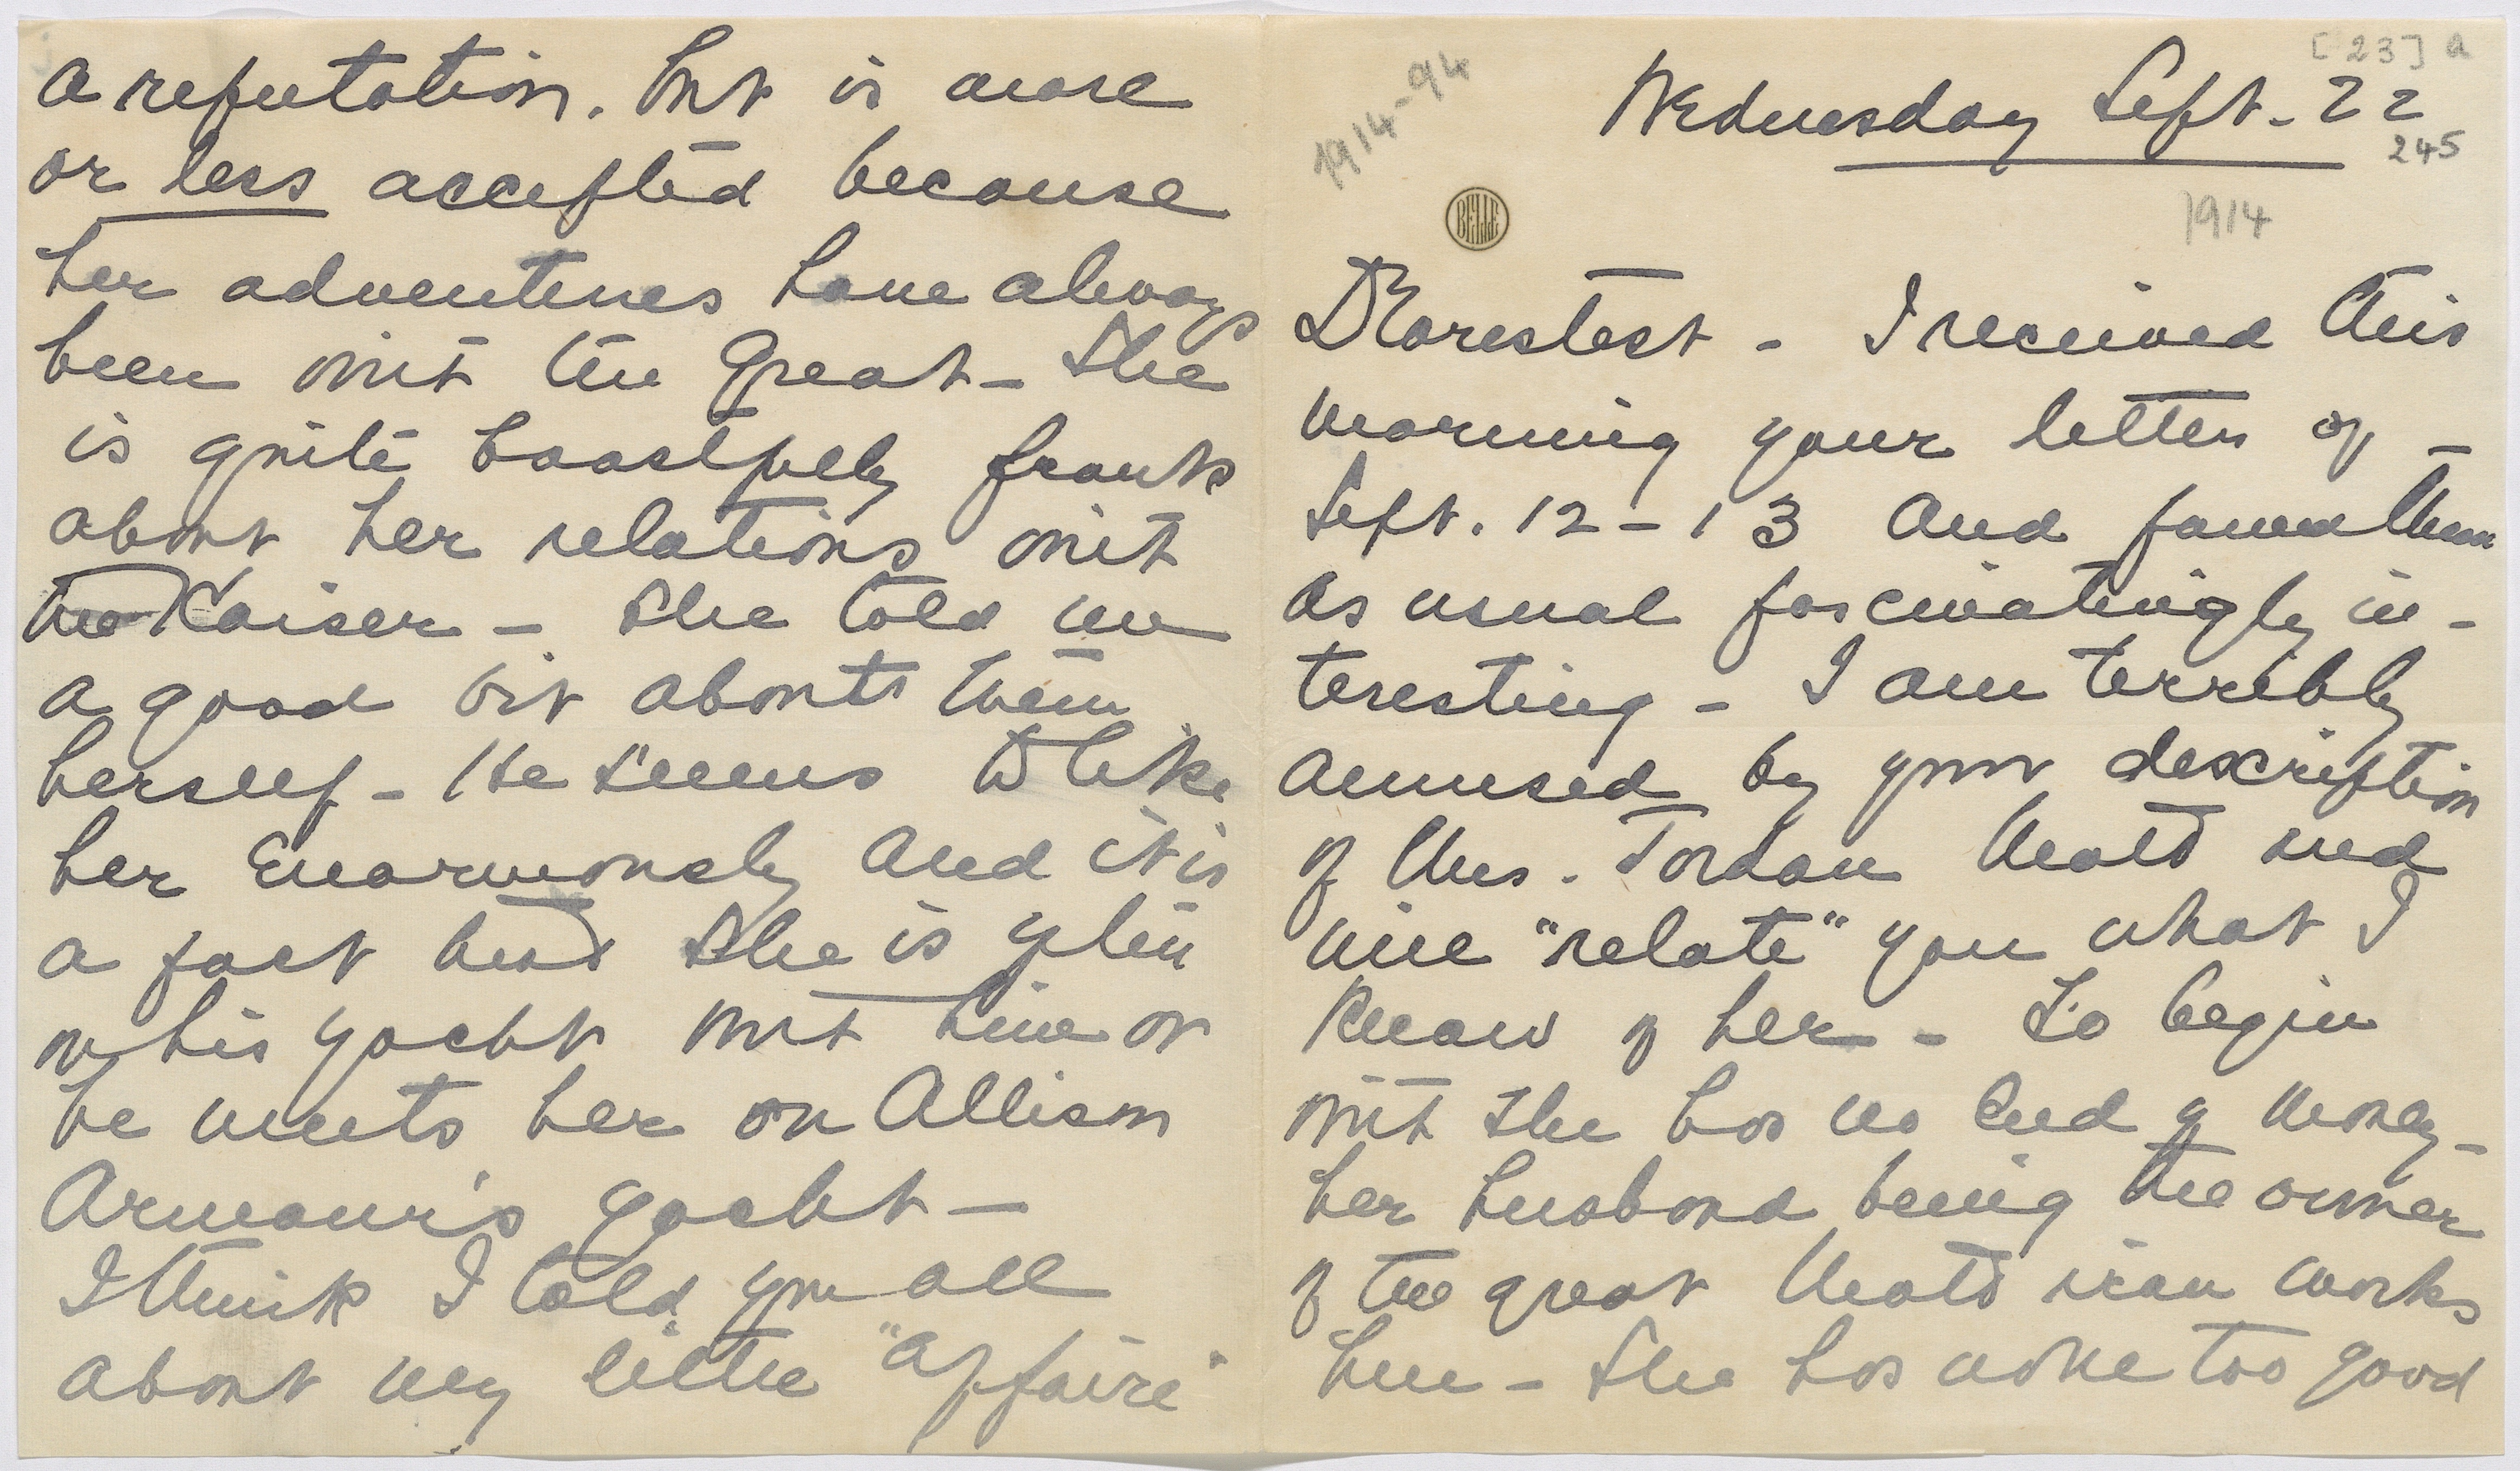Wednesday Sept. 22
Dearestest – I received this morning your letter of Sept. 12-13 and found them as usual fascinatingly interesting – I am terribly amused by your description of Mrs. Jordan Mott and will “relate” you what I know of her – To begin with she has no end of money – her husband being the owner of the great Mott iron works here – She has none too good
a reputation, but is more or less accepted because her adventures have always been with the Great – she is quite boastfully frank about her relations with the Kaiser – she told me a good bit about them herself – He seems to like her enormously and it is a fact that she is often on his yacht with him or he meets her on Allison Armour’s yacht – I think I told you all about my little “affaire”